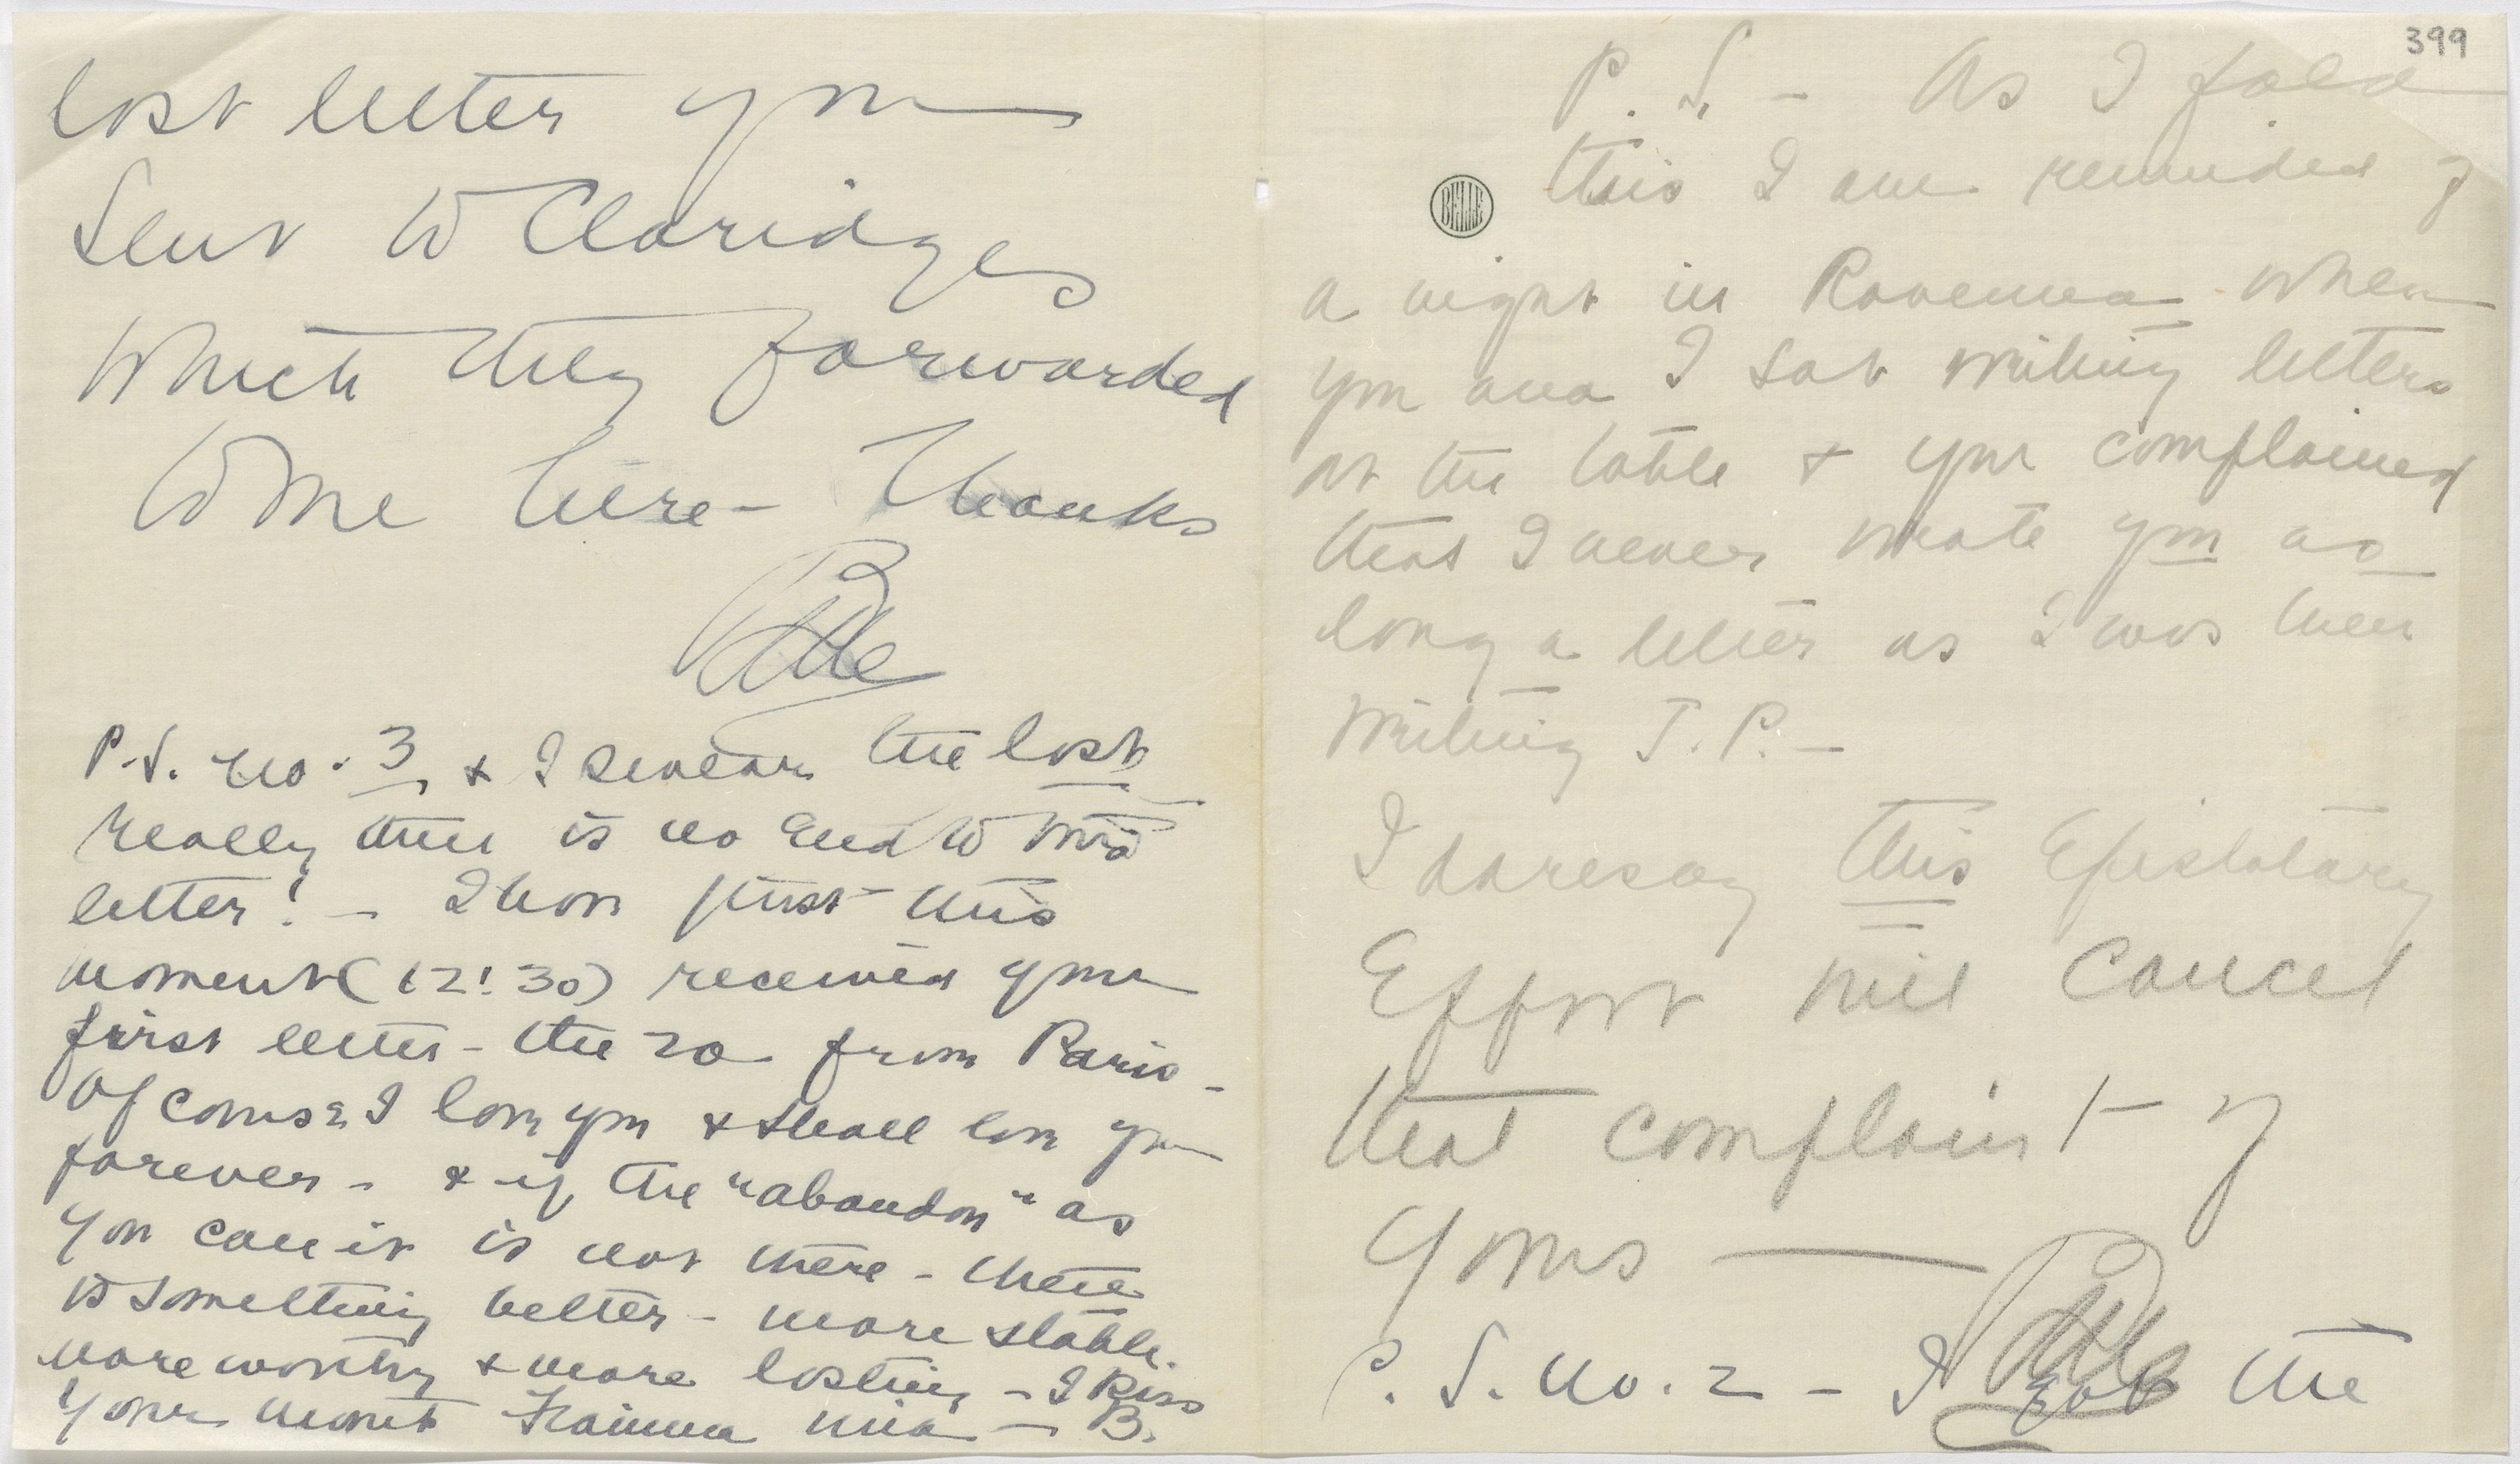P.S. – As I fold this I am reminded of a night in Ravenna when you and I sat writing letters at the table & you complained that I never wrote you as long a letter as I was then writing J. P. –
I daresay [double underlined: this] epistolary effort will cancel that complaint of yours – Belle
P.S. No. 2 – I got the
last letter you sent to Claridges which they forwarded to me here – Thanks
Belle
P.S. no. 3 & I swear the last – really there is no end to this letter! – I have just this moment (12:30) received your first letter – the 20 from Paris – of course I love you & shall love you forever – & if the “abandon” as you call it is not there – there is something better – more stable. more worthy & more lasting – I kiss your mouth Fiamma mia – B.